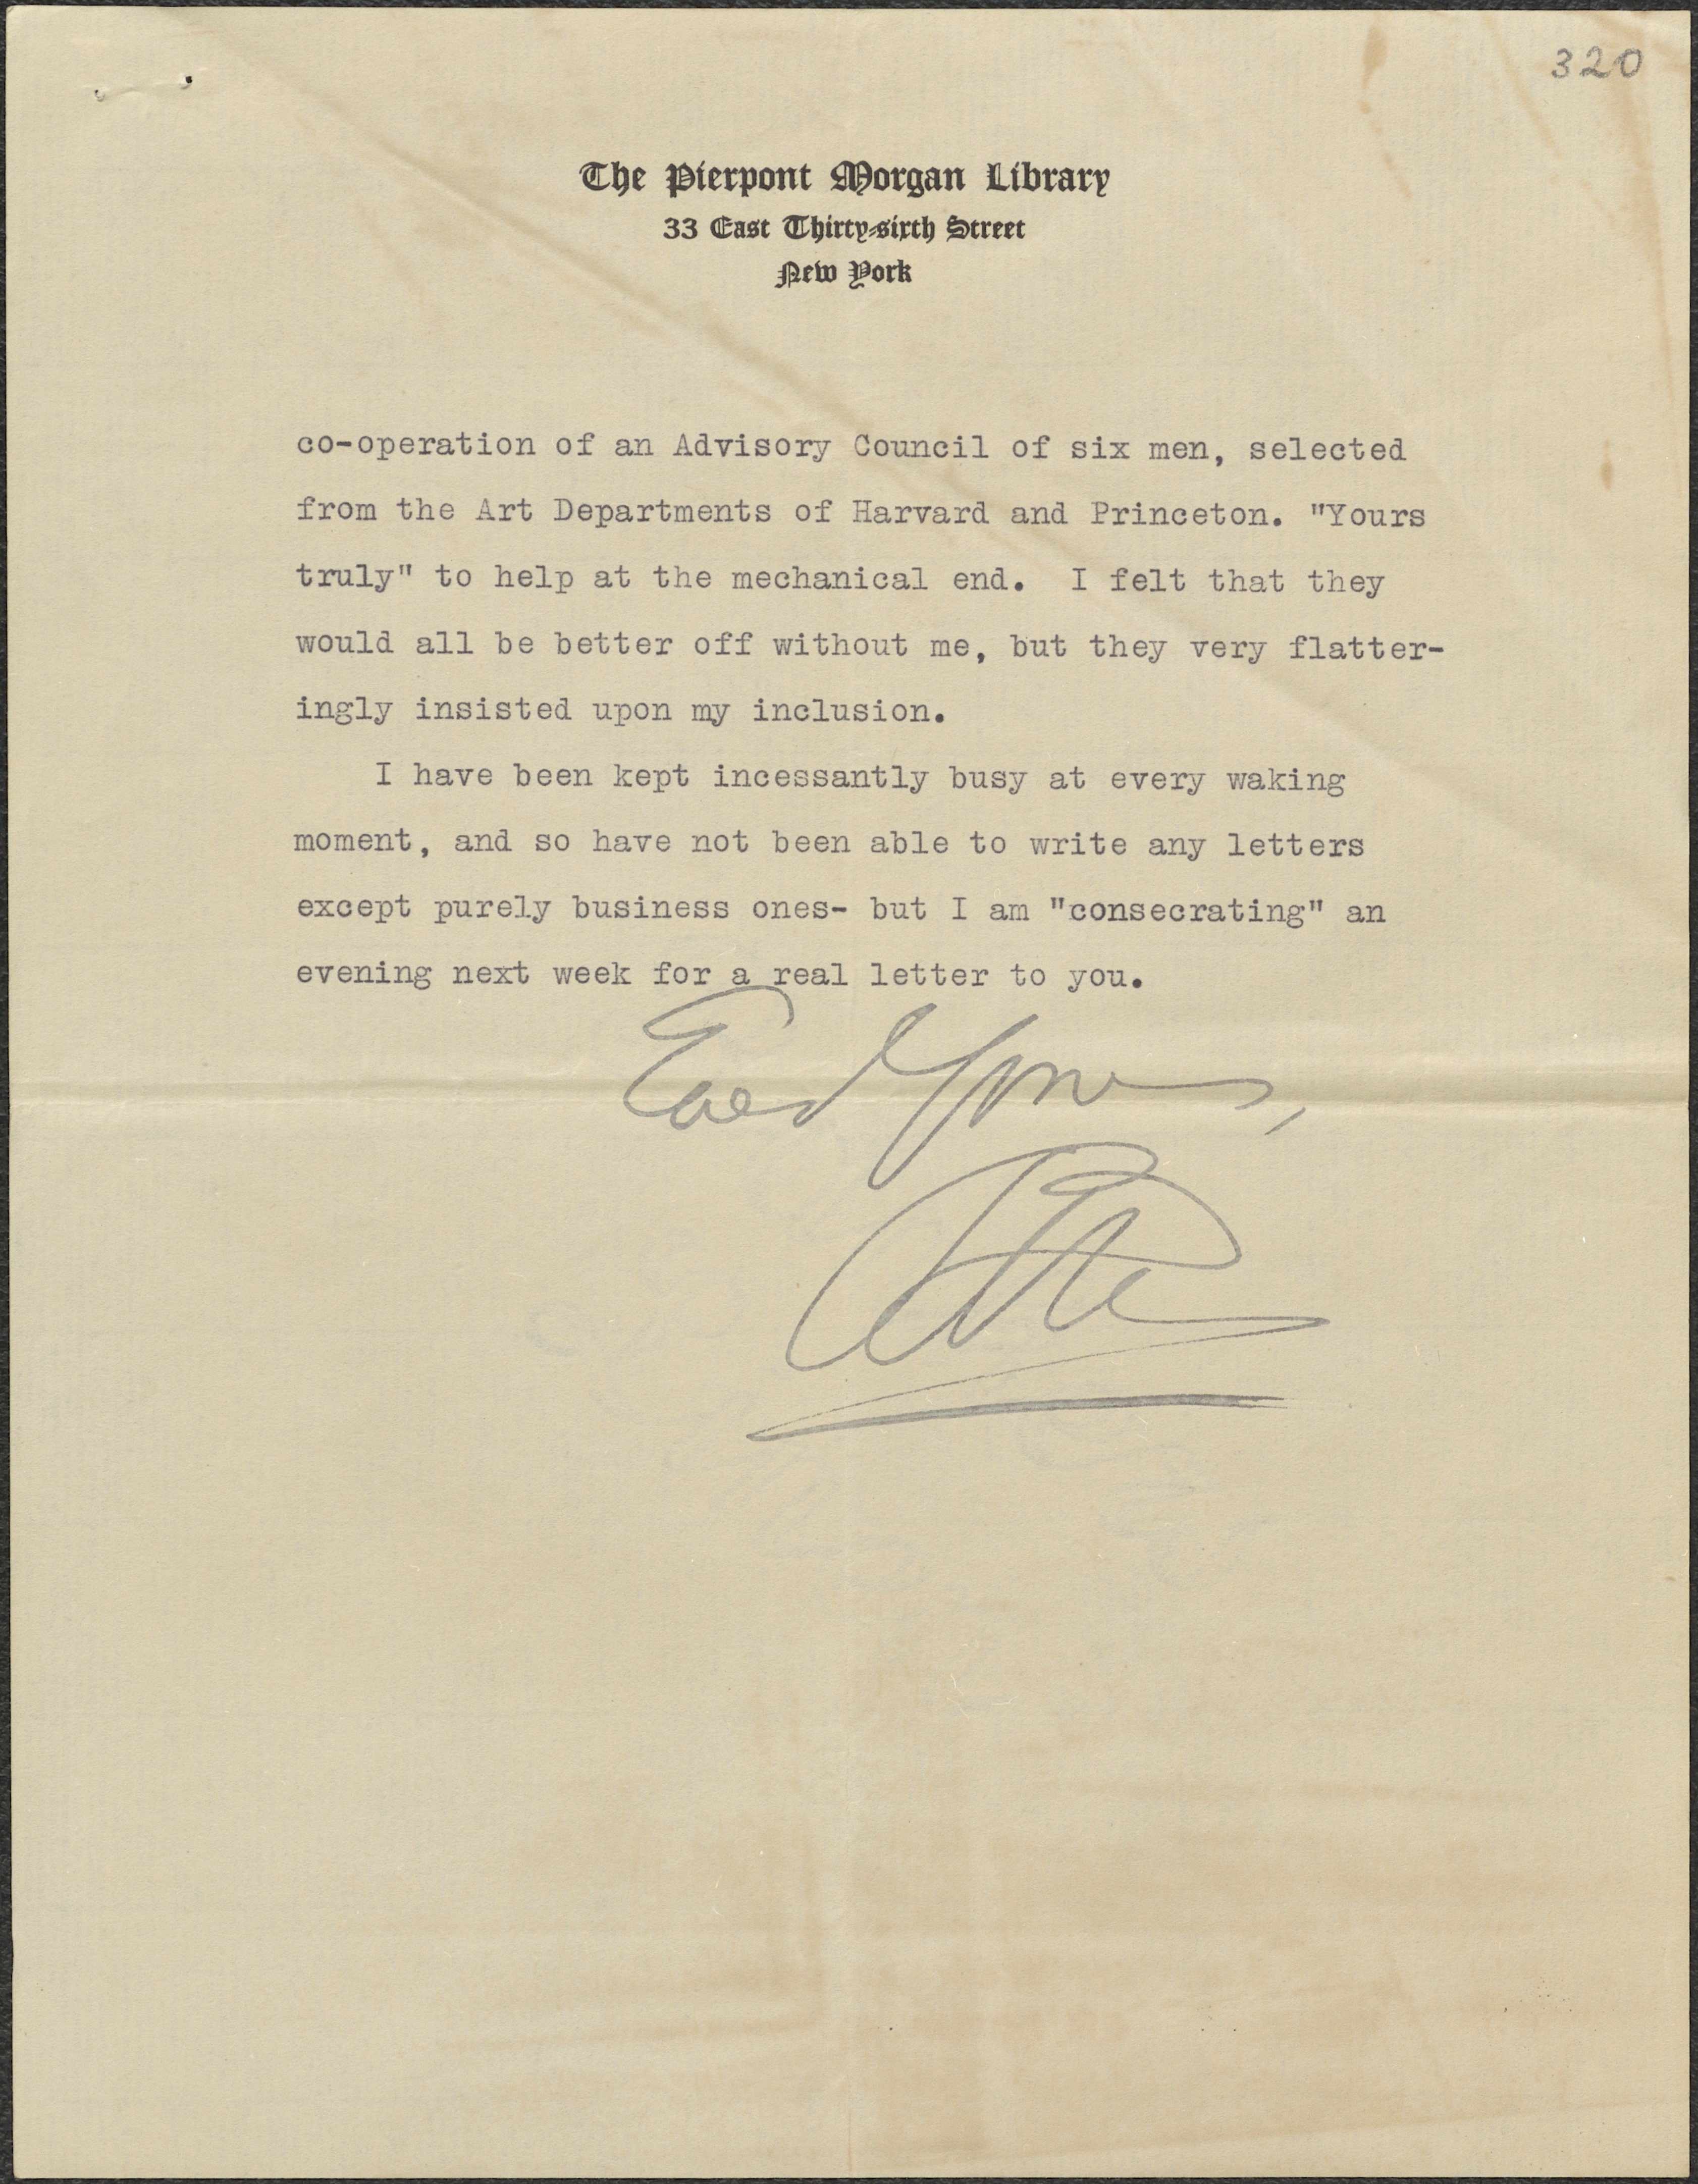co-operation of an Advisory Council of six men, selected from the Art Departments of Harvard and Princeton. “Yours truly” to help at the mechanical end. I felt that they would all be better off without me, but they very flatteringly insisted upon my inclusion.
I have been kept incessantly busy at every waking moment, and so have not been able to write any letters except purely business ones – but I am “consecrating” an evening next week for a real letter to you.
[Handwritten: Ever Yours,
Belle]